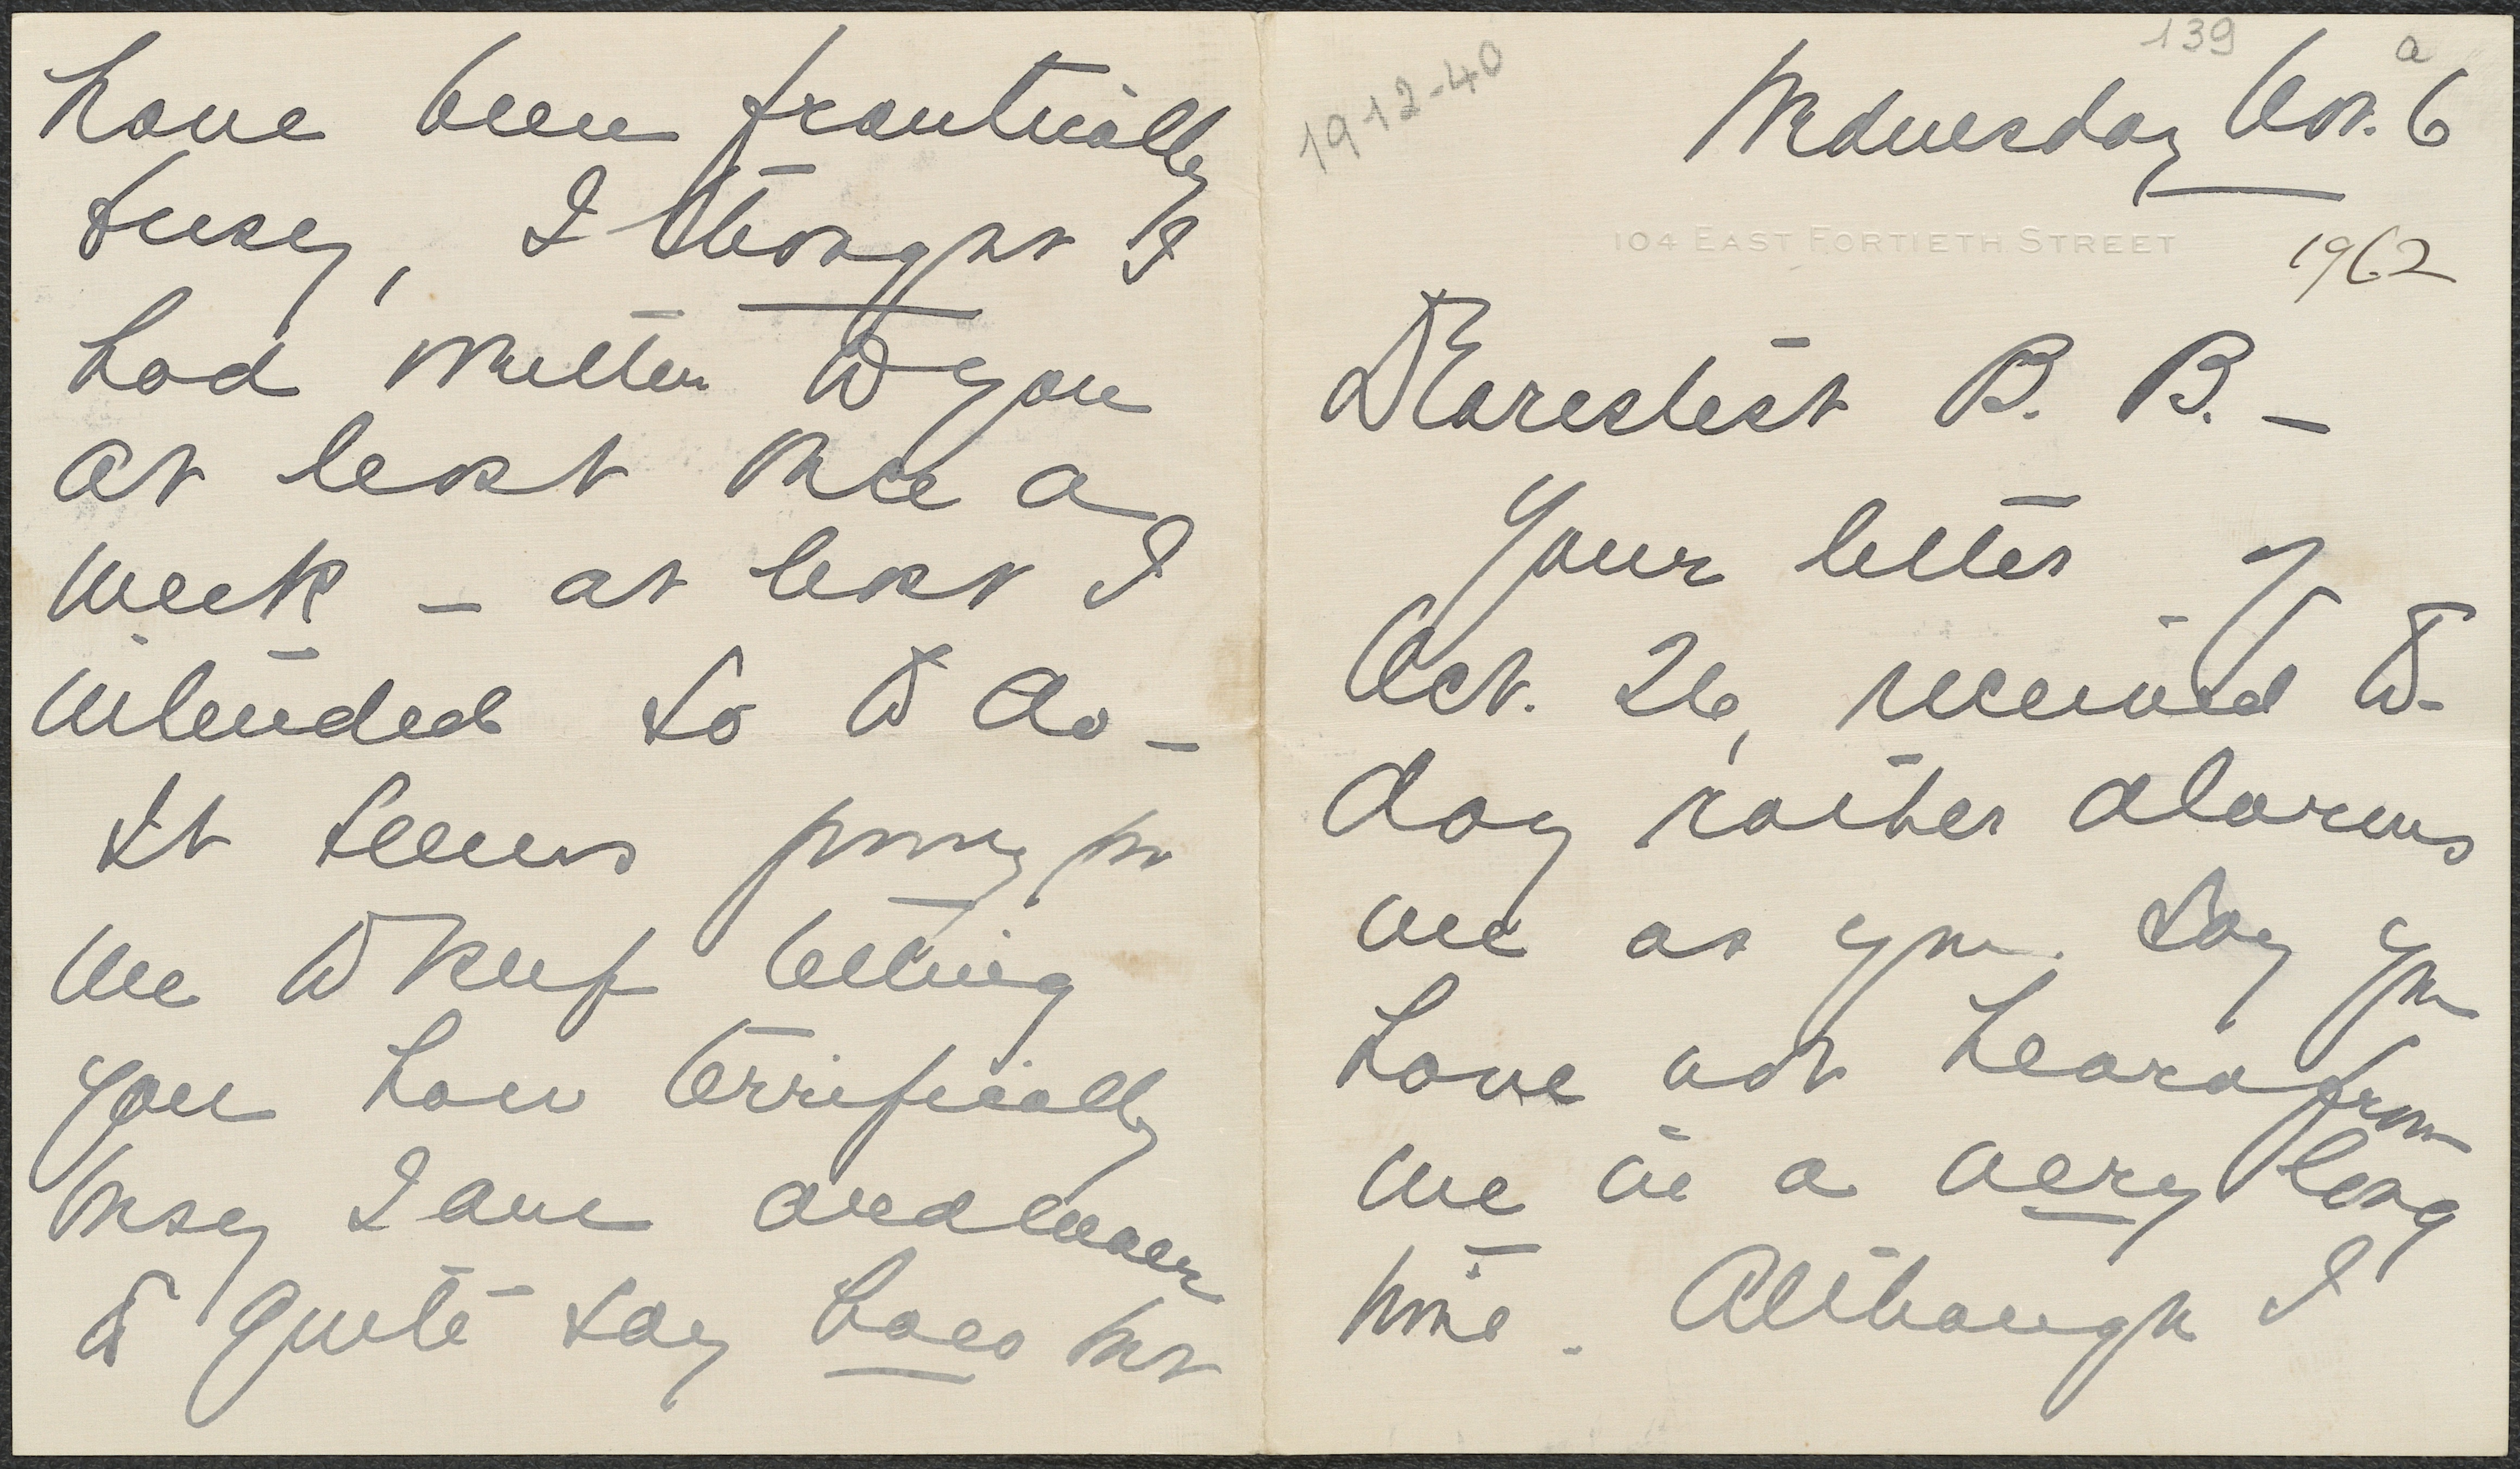Wednesday Nov. 6
Dearestest B. B. –
Your letter of Oct. 26, received today rather alarms me as you say you have not heard from me in a very long time. Although I
have been frantically busy, I thought I had written to you at least once a week – at least I intended so to do –
It seems funny for me to keep telling you how terrifically busy I am and never to quite say how but